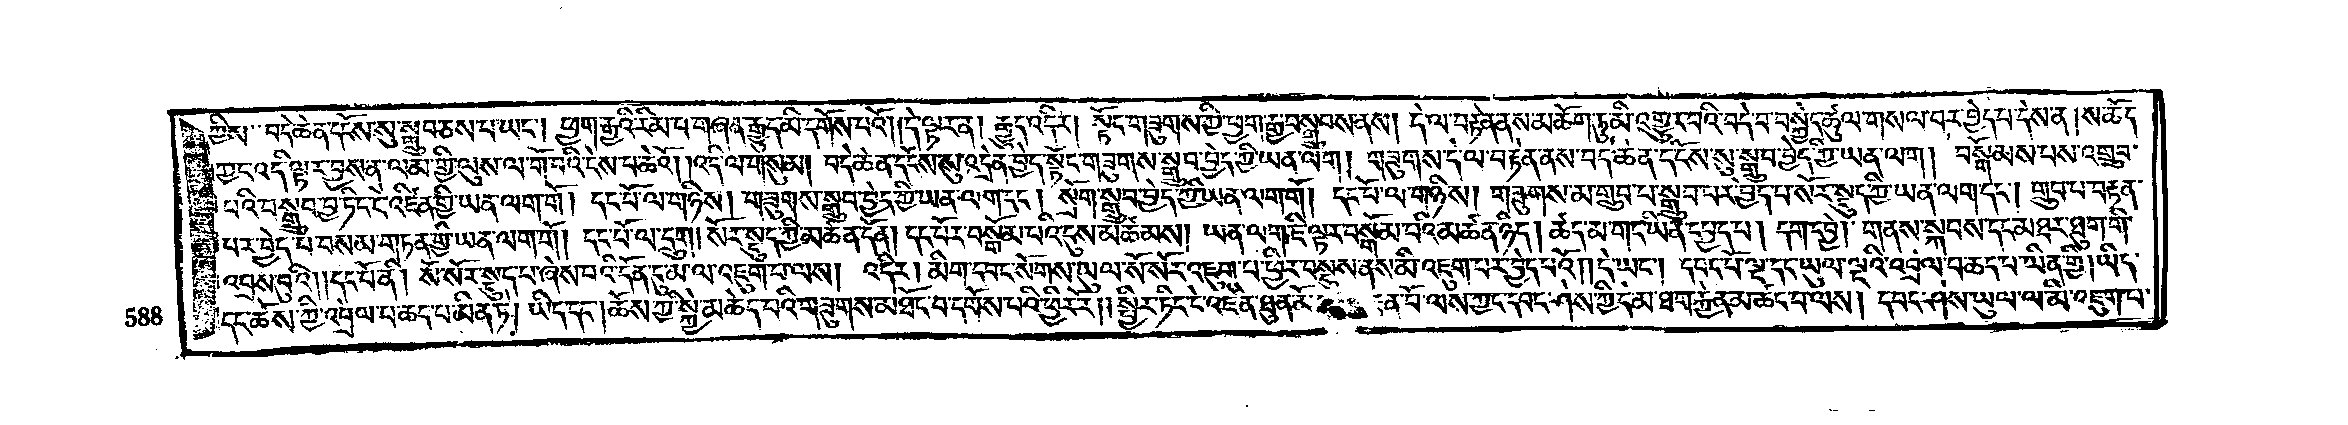ཀྱིས་བདེ་ཆེན་དངོས་སུ་སྒྲུབ་ཅེས་པ་ཡང་། ཕྱག་རྒྱའི་རིམ་པ་གཞན་རྒྱུད་མི་དགོས་པའོ། །དེ་ལྟར་ན། རྒྱུད་འདིར། སྟོང་གཟུགས་ཀྱི་ཕྱག་རྒྱ་བསྒྲུབས་ནས། དེ་ལ་བརྟེན་ནས་མཆོག་ཏུ་མི་འགྱུར་བའི་བདེ་བ་བསྐྱེད་ཚུལ་གསལ་བར་བྱེད་པ་དེས་ན། ས་ཆོད་
ཀྱང་འདི་ལྟར་བྱས་ན་ལམ་གྱི་ལུས་ལ་གོ་བའི་ངེས་པ་ཆེའོ། །འདི་ལ་གསུམ། བདེ་ཆེན་དངོས་སུ་འདྲེན་བྱེད་སྟོང་གཟུགས་སྒྲུབ་བྱེད་ཀྱི་ཡན་ལག །གཟུགས་དེ་ལ་བརྟེན་ནས་བདེ་ཆེན་དངོས་སུ་སྒྲུབ་བྱེད་ཀྱི་ཡན་ལག །བསྒོམས་པས་འགྲུབ་
པའི་བསྒྲུབ་བྱ་ཏིང་ངེ་འཛིན་གྱི་ཡན་ལག་གོ །དང་པོ་ལ་གཉིས། གཟུགས་སྒྲུབ་བྱེད་ཀྱི་ཡན་ལག་དང་། སྲོག་སྒྲུབ་བྱེད་ཀྱི་ཡན་ལག་གོ །དང་པོ་ལ་གཉིས། གཟུགས་མ་གྲུབ་པ་སྒྲུབ་པར་བྱེད་པ་སོར་སྡུད་ཀྱི་ཡན་ལག་དང་། གྲུབ་པ་བརྟན་
པར་བྱེད་པ་བསམ་གཏན་གྱི་ཡན་ལག་གོ །དང་པོ་ལ་དྲུག །སོར་སྡུད་ཀྱི་མཚན་དོན། དང་པོར་བསྒོམ་པའི་དུས་མཚམས། ཡན་ལག་ཇི་ལྟར་བསྒོམ་པའི་མཚན་ཉིད། ཚད་མ་གང་ཡིན་དཔྱད་པ། དག་དབྱེ། གནས་སྐབས་དང་མཐར་ཐུག་གི་
འབྲས་བུའི། །དང་པོ་ནི། སོ་སོར་སྡུད་པ་ཞེས་པའི་དོན་དུ་མ་ལ་འཇུག་པ་ལས། འདིར། མིག་དབང་སོགས་ཡུལ་སོ་སོར་འཇུག་པ་ཕྱིར་བསྡུས་ནས་མི་འཇུག་པར་བྱེད་པའོ། །དེ་ཡང་། དབང་པོ་ལྔ་དང་ཡུལ་ལྔའི་འབྲེལ་པ་ཆད་པ་ཡིན་གྱི། ཡིད་
དང་ཆོས་ཀྱི་འབྲེལ་པ་ཆད་པ་མིན་ཏེ། ཡིད་དང་། ཆོས་ཀྱི་སྐྱེ་མཆེད་པའི་གཟུགས་མཐོང་བ་དགོས་པའི་ཕྱིར་རོ། །སྤྱིར་ཏིང་ངེ་འཛིན་ཐུན་མོང་བ་བརྟན་པོ་ལས་ཀྱང་དབང་ཤེས་ཀྱི་དེ་མ་ཐག་རྐྱེན་མ་ཚང་བ་ལས། དབང་ཤེས་ཡུལ་ལ་མི་འཇུག་པ་